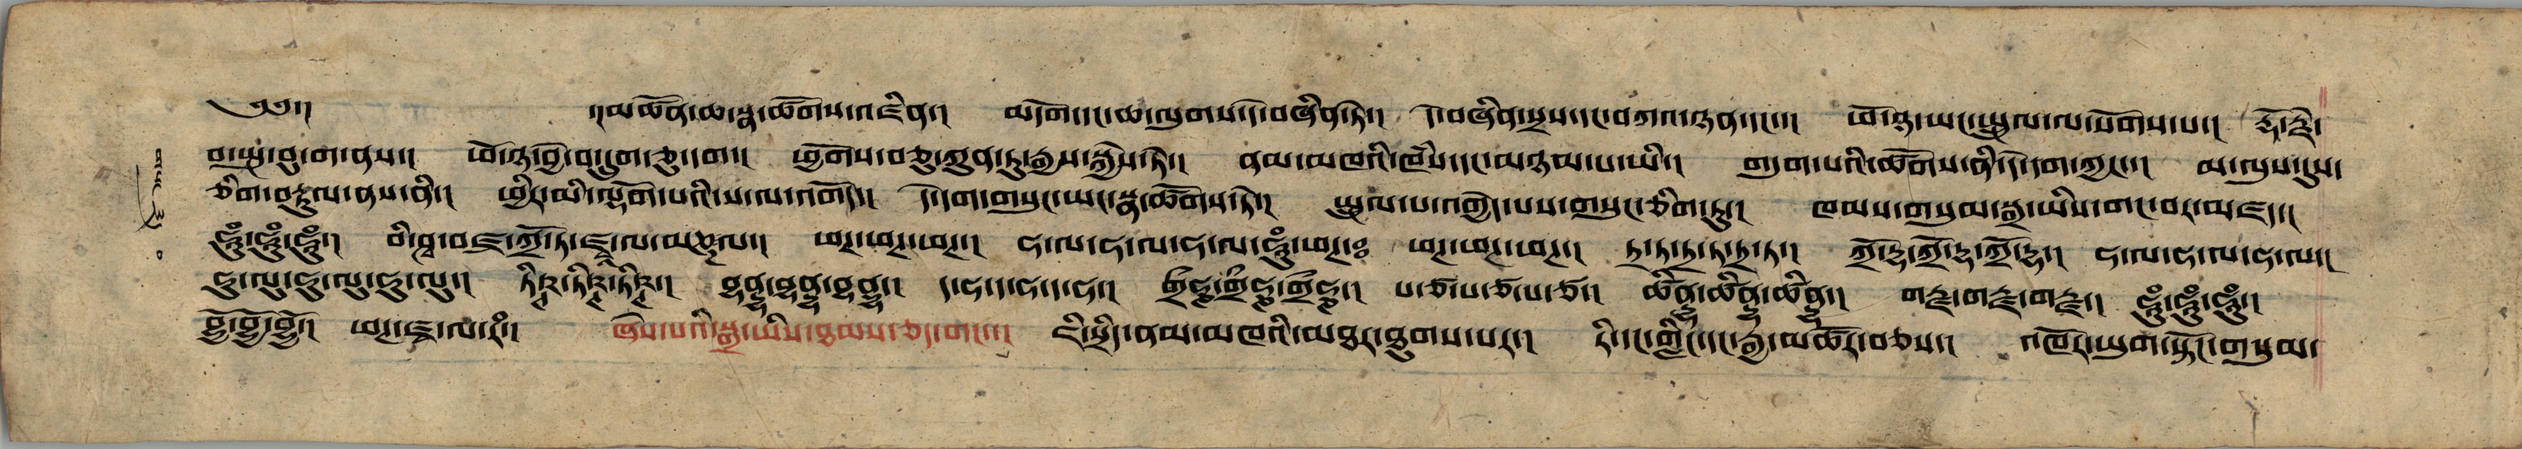༄༅་། ་།མཚོན་ཆ་སྣ་ཚོགས་འཛིན་། མདོག་དང་ཆ་ལུགས་དེ་བཞིན་ཏེ་། དེ་བཞིན་སྲས་དང་བཀའ་ཉན་དང་་། ཕོ་ཉ་ཡང་སྤྲུལ་ལ་སོགས་པ་། རྡོ་རྗེ་
བ་སྤུ་བུ་ག་ནས་། ཕོ་ཉ་བྱེ་བ་དྲུག་ཅུ་དག་། ཕྱོགས་བཅུ་ཀུན་ཏུ་རྒྱས་སྐྱེས་ཏེ་། ནམ་མཁའི་ཁཾས་དང་མཉམ་པ་ཡི་། གདུག་པའི་ཚོགས་ནི་དེ་དག་ཀྱང་་། མ་ལུས་དུས་
ཅིག་བརྟུལ་ནས་ནི་། ཕྱིར་མི་ལྷོག་པའི་ས་ལ་འགོད་། དེ་དག་གསུང་ཡང་སྣ་ཚོགས་ཏེ་། སྤྲུལ་པ་འགྱེད་པས་གསུང་ཅིག་ཏུ་། ཁམས་གསུམ་སྒྲ་ཡིས་གང་བར་མཛད་།
ཧཱུཾ་ཧཱུཾ་ཧཱུཾ་། བི་ཤྭ་བཛྲ་ཀྲོ་ཏ་ཛྭ་ལ་མཎྜལ་། ཕཊ་ཕཊ་ཕཊ་། ཧ་ལ་ཧ་ལ་ཧ་ལ་ཧཱུཾ་ཕཊ་ཿ ཕཊ་ཕཊ་ཕཊ་། ཏྲ་ཏ་ཏྲ་ཏ་ཏྲ་ཏ་། ཀྲོ་དྷ་ཀྲོ་དྷ་ཀྲོ་དྷ་། ཧ་ལ་ཧ་ལ་ཧ་ལ་།
ཧུ་ལུ་ཧུ་ལུ་ཧུ་ལུ་། ཏིཥྚ་ཏིཥྚ་ཏིཥྚ་། བྷནྡྷ་བྷནྡྷ་བྷནྡྷ་། ད་ཧ་ད་ཧ་ད་ཧ་། གྲྀཧྞ་གྲྀཧྞ་གྲྀཧྞ་། པ་ཙ་པ་ཙ་པ་ཙ་། ཚིནྡྷ་ཚིནྡྷ་ཚིནྡྷ་། གརྫ་གརྫ་གརྫ་། ཧཱུཾ་ཧཱུཾ་ཧཱུཾ་།
བྷྱོ་བྷྱོ་བྷྱོ་། ཕཊ་ཛྭ་ལ་རཾ་། ཞེས་པའི་སྒྲ་ཡིས་ཐམས་ཅད་གང་་། ཇི་སྲིད་ནམ་མཁའི་མཐར་ཐུགས་པར་། རི་དང་གླིང་དང་རྒྱ་མཚོར་བཅས་། འཁོར་ཡུག་སྟོང་གསུམ་